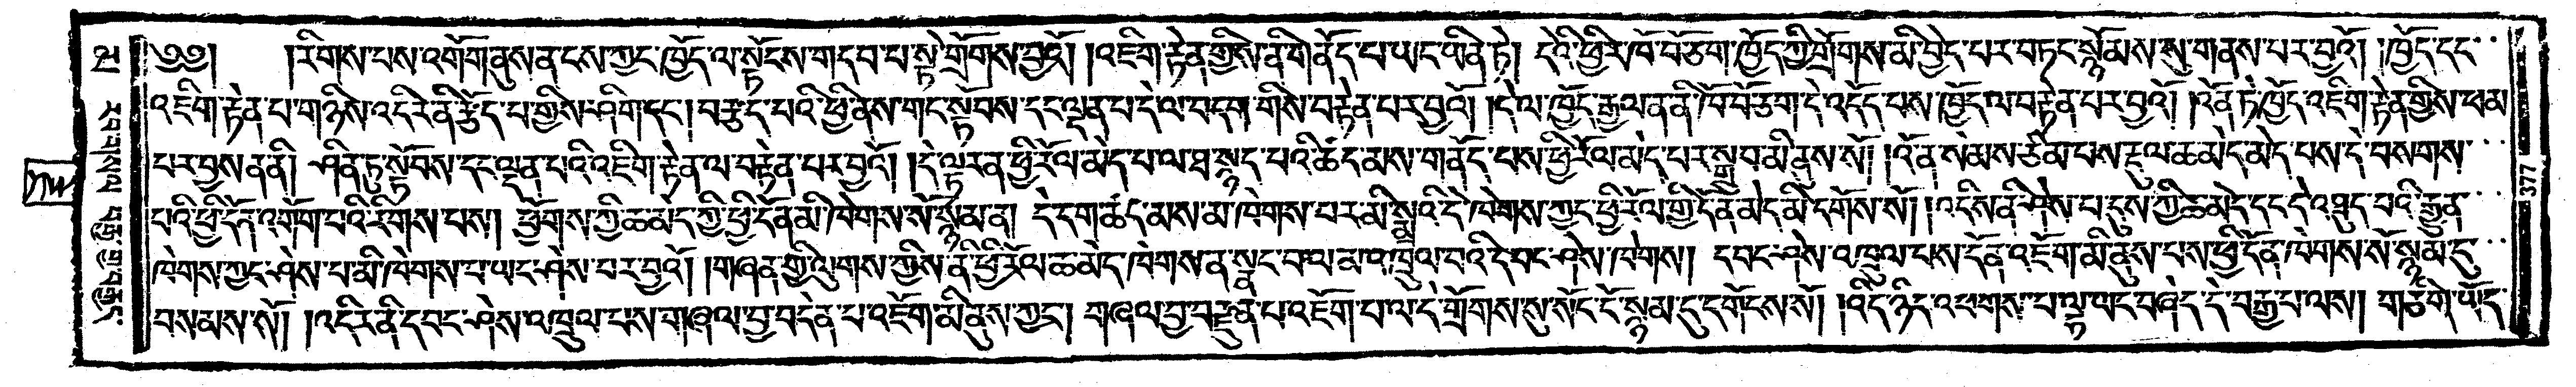༄༅། །རིགས་པས་འགོག་ནུས་ན་ངས་ཀྱང་ཁྱོད་ལ་སྟོངས་གདབ་པ་སྟེ་གྲོགས་བྱའོ། །འཇིག་རྟེན་གྱིས་ནི་གནོད་པ་ཡང་ཡིན་ཏེ། དེའི་ཕྱིར་ཁོ་བོ་ཅག་ཁྱོད་ཀྱི་གྲོགས་མི་བྱེད་པར་བཏང་སྙོམས་སུ་གནས་པར་བྱའོ། །ཁྱོད་དང་
འཇིག་རྟེན་པ་གཉིས་འདིར་ནི་རྩོད་པ་གྱིས་ཤིག་དང་། བརྩད་པའི་ཕྱི་ནས་གང་སྟོབས་དང་ལྡན་པ་དེ་ལ་བདག་གིས་བརྟེན་པར་བྱའོ། །དེ་ལ་ཁྱོད་རྒྱལ་ན་ནི་ཁོ་བོ་ཅག་དེ་འདོད་པས་ཁྱོད་ལ་བརྟེན་པར་བྱའོ། །འོན་ཏེ་ཁྱོད་འཇིག་རྟེན་གྱིས་ཕམ་
པར་བྱས་ན་ནི། ཤིན་ཏུ་སྟོབས་དང་ལྡན་པའི་འཇིག་རྟེན་ལ་བརྟེན་པར་བྱའོ། །དེ་ལྟར་ན་ཕྱི་རོལ་མེད་པ་ལ་ཐ་སྙད་པའི་ཚད་མས་གནོད་པས་ཕྱི་རོལ་མེད་པར་སྒྲུབ་མི་ནུས་སོ། །འོ་ན་སེམས་ཙམ་པས་རྡུལ་ཆ་མེད་མེད་པས་དེ་བསགས་
པའི་ཕྱི་དོན་འགོག་པའི་རིགས་པས། ཕྱོགས་ཀྱི་ཆ་མེད་ཀྱི་ཕྱི་དོན་མི་ཁེགས་སོ་སྙམ་ན། དེ་དག་ཚད་མས་མ་ཁེགས་པར་མ་སྨྲའི་དེ་ཁེགས་ཀྱང་ཕྱི་རོལ་གྱི་དོན་མེད་མི་དགོས་སོ། །འདིས་ནི་ཤེས་པ་དུས་ཀྱི་ཆ་མེད་དང་དེ་འཐུད་པའི་རྒྱུན་
ཁེགས་ཀྱང་ཤེས་པ་མི་ཁེགས་པ་ཡང་ཤེས་པར་བྱའོ། །གཞན་གྱི་ལུགས་ཀྱིས་ནི་ཕྱི་རོལ་ཆ་མེད་ཁེགས་ན་སྣང་བ་ལ་མ་འཁྲུལ་བའི་དབང་ཤེས་ཁེགས། དབང་ཤེས་འཁྲུལ་པས་དོན་འཇོག་མི་ནུས་པས་ཕྱི་དོན་ཁེགས་སོ་སྙམ་དུ་
བསམས་སོ། །འདིར་ནི་དབང་ཤེས་འཁྲུལ་པས་གཞལ་བྱ་བདེན་པ་འཇོག་མི་ནུས་ཀྱང་། གཞལ་བྱ་བརྫུན་པ་འཇོག་པ་ལ་དེ་གྲོགས་སུ་སོང་ངོ་སྙམ་དུ་དགོངས་སོ། །འདི་ཉིད་འཕགས་པ་ལྷ་ཡང་བཞེད་དེ་བརྒྱ་པ་ལས། གཅིག་ཡོད་